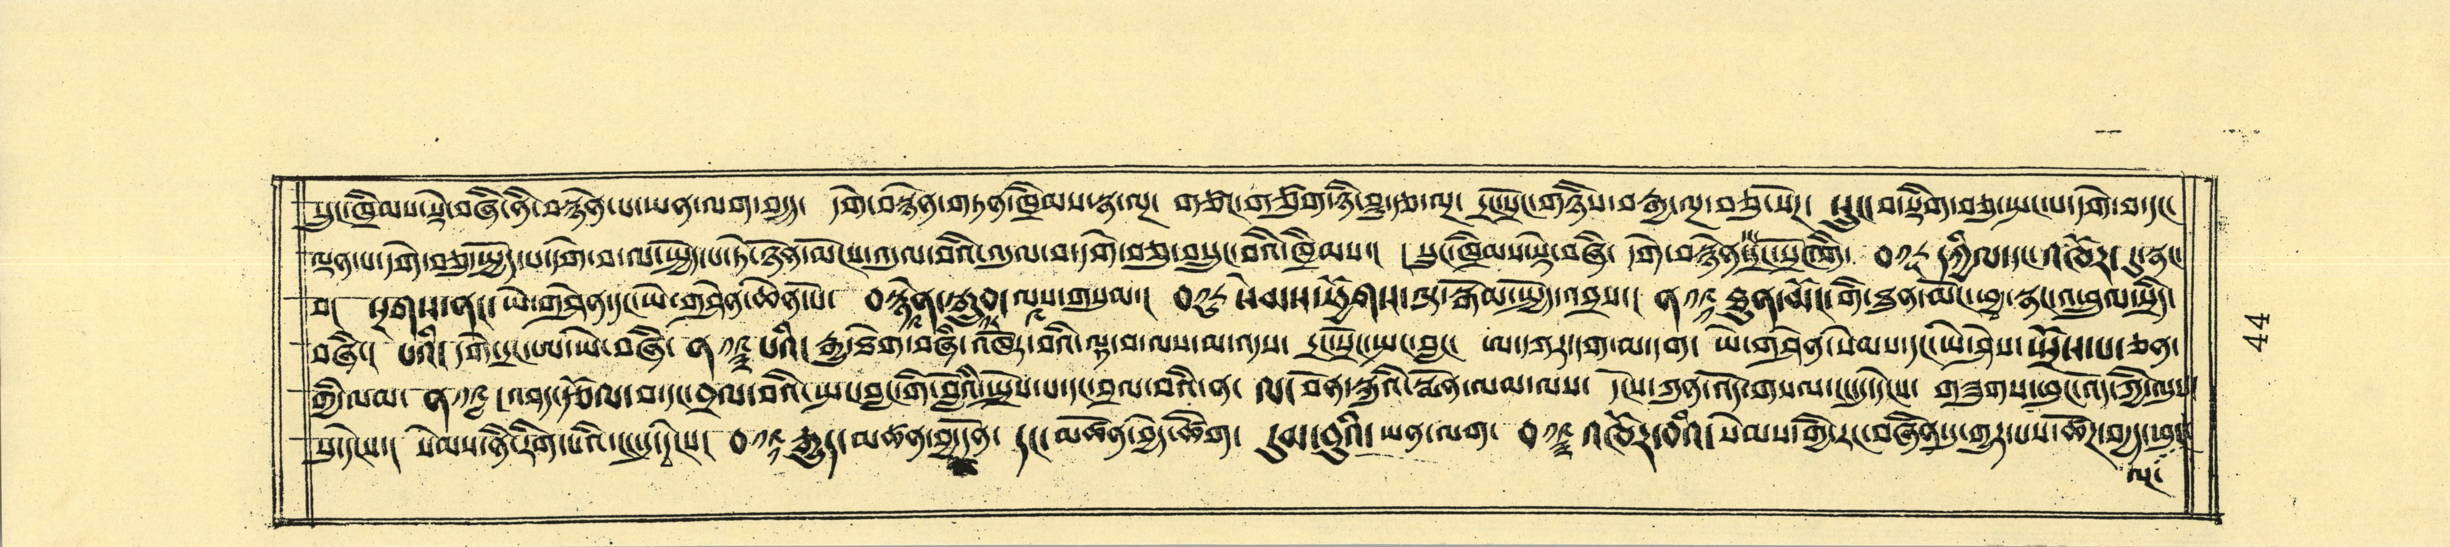སྲུང་ཁྲིམས་སྡེ་བཞི་ནི་བསྙེན་པ་ཡན་ལག་བརྒྱད་དགེ་བསྙེན་གཏན་ཁྲིམས་སྣ་ལྔ་གཙང་གཙུག་ཉི་ཤུ་རྩ་ལྔ་དྲང་སྲོང་ཉིས་བརྒྱ་ལྔ་བཅུ་སོགས་ སྲུང་བ་སྡིག་བཅུ་སྤང་དགེ་བ་དང་། 
ལྡན་པ་དགེ་བཅུ་སྤྱོད་པ་དགེ་བ་ལ་སྤྱོད་པ་ཏེ་ཉོན་མོངས་འདུལ་བའི་འདུལ་བ་དགེ་བཅུ་སྲུང་བའི་ཁྲིམས། སྲུང་ཁྲིམས་སྡེ་བཞི་དགེ་བསྙེན་དང་དྲང་སྲོང་གི་ བ༡༨།༥ དཀྱིལ་འཁོར་དུ་སྣང་
བ་ སྔགས་ནང་ཡེ་གཤེན་དང་ཡེ་གཤེན་ཆེན་པོ་ བསྙེན་༩སྒྲུབ་༡༨ལས་༩གསུམ་ བ༡༨།༦སེམས་ཕྱོགས་ལྟ་སྒོམ་སྤྱོད་འབྲས་ ན༡༩།༡ ཐུན་མོང་གི་ཐུན་མོང་ཕྱྭ་སྣང་འཕྲུལ་སྲིད་
བཞི་ པའི་དགེ་དྲང་ཨ་ཡེ་བཞི་ ན༡༩།༣ པའི་རྒྱུ་ཐེག་བཞི་འཁོར་བའི་ལྟ་བ་ལས་མ་འདས། དྲང་སྲོང་སྤང་བླང་། ཨ་དཀར་དག་མ་དག་ ཡེ་གཤེན་སེམས་དང་ཡེ་ཤེས་སྤྲོས་པ་ཅན་
གྱི་ལམ་ ན༡༩།༤འབད་རྩོལ་བ་དང་བྲལ་བའི་སྤང་བླང་གི་བློ་ཡི་སྤྲོས་པ་དང་བྲལ་བས་ན་ ལ་བོན་སྐུའི་སྨོན་ལམ་ལས། དངོས་ཀུན་འོད་གསལ་ངང་དུ་དེངས། གཟུགས་ཕུང་འོད་ཀྱི་ལུས་
སུ་དེངས། སེམས་ནི་རིག་པའི་ངང་དུ་དེངས། བ༡༩།༡ རྒྱུད་མཚན་བྱ་དོན་དང་མཚོན་བྱེད་ཚིག་དུམ་བུའི་ཡན་ལག་ བ༡༩།༣འཁོར་བའི་སེམས་ཀྱི་རང་བཞིན་དུ་གྱུར་པ་པས་ཚོགས་བརྒྱད་ཕུང་པོ་ལྔ་